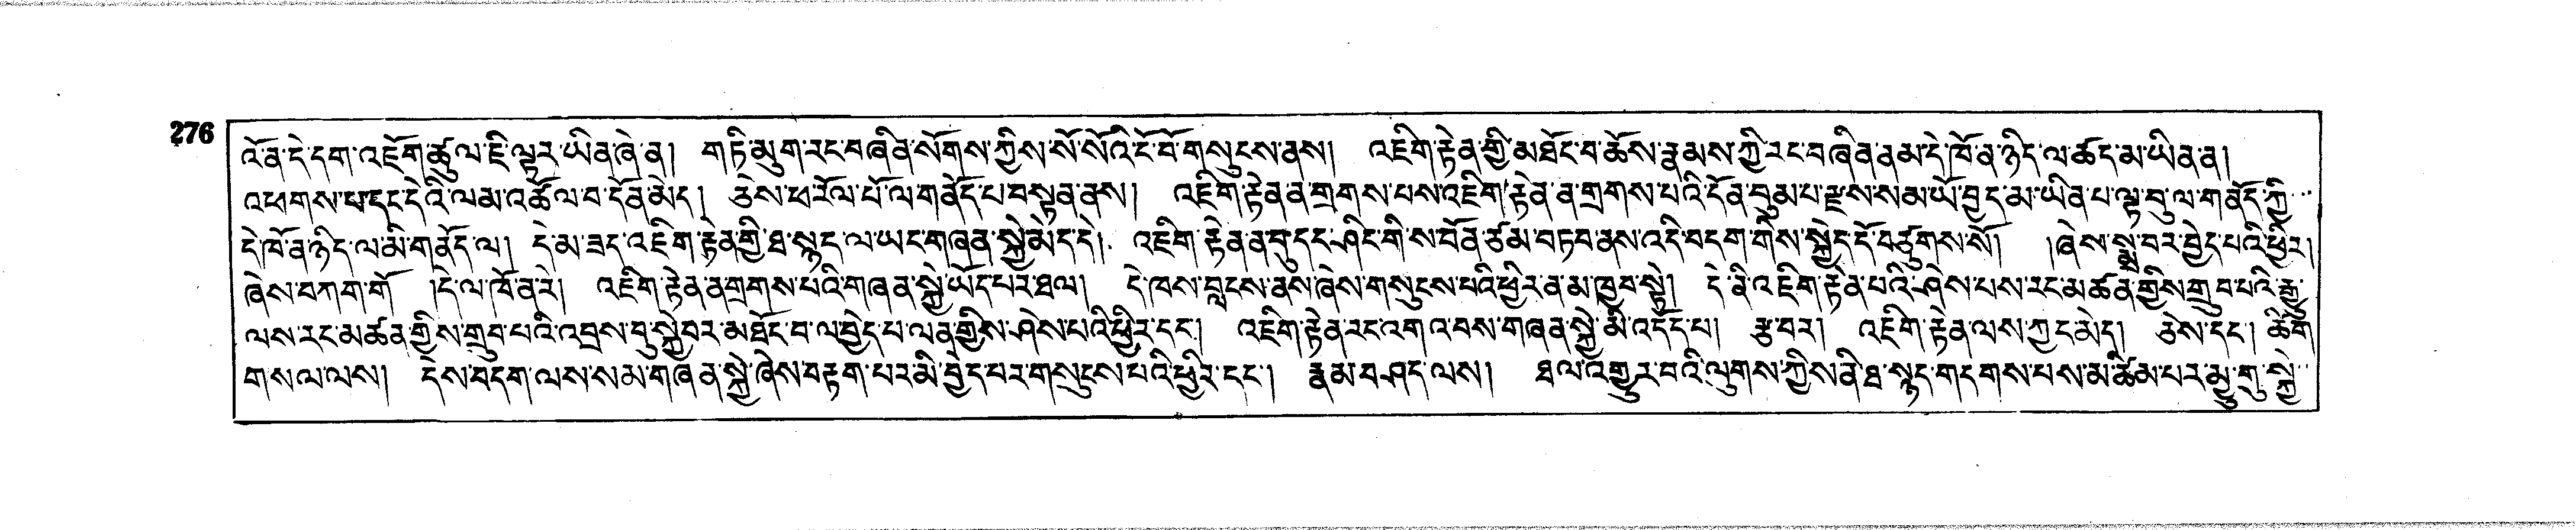འོ་ན་དེ་དག་འཇོག་ཚུལ་ཇི་ལྟར་ཡིན་ཞེ་ན། གཏི་མུག་རང་བཞིན་སོགས་ཀྱིས་སོ་སོའི་ངོ་བོ་གསུངས་ནས། འཇིག་རྟེན་གྱི་མཐོང་བ་ཆོས་རྣམས་ཀྱི་རང་བཞིན་ནམ་དེ་ཁོ་ན་ཉིད་ལ་ཚད་མ་ཡིན་ན།
འཕགས་པ་དང་དེའི་ལམ་འཚོལ་བ་དོན་མེད། ཅེས་ཕ་རོལ་པོ་ལ་གནོད་པ་བསྟན་ནས། འཇིག་རྟེན་ན་གྲགས་པས་འཇིག་རྟེན་ན་གྲགས་པའི་དོན་བུམ་པ་རྫས་སམ་ཡོ་བྱད་མ་ཡིན་པ་ལྟ་བུ་ལ་གནོད་ཀྱི་
དེ་ཁོ་ན་ཉིད་ལ་མི་གནོད་ལ། དེ་མ་ཟད་འཇིག་རྟེན་གྱི་ཐ་སྙད་ལ་ཡང་གཞན་སྐྱེ་མེད་དེ། འཇིག་རྟེན་ན་བུ་དང་ཤིང་གི་ས་བོན་ཙམ་བཏབ་ནས་འདི་བདག་གིས་སྐྱེད་དོ་བཙུགས་སོ། །ཞེས་སྨྲ་བར་བྱེད་པའི་ཕྱིར།
ཞེས་བཀག་གོ །དེ་ལ་ཁོ་ན་རེ། འཇིག་རྟེན་ན་གྲགས་པའི་གཞན་སྐྱེ་ཡོད་པར་ཐལ། དེ་ཁས་བླངས་ནས་ཞེས་གསུངས་པའི་ཕྱིར་ན་མ་ཁྱབ་སྟེ། དེ་ནི་འཇིག་རྟེན་པའི་ཤེས་པས་རང་མཚན་གྱིས་གྲུབ་པའི་རྒྱུ་
ལས་རང་མཚན་གྱིས་གྲུབ་པའི་འབྲས་བུ་སྐྱེ་བར་མཐོང་བ་ལ་བྱེད་པ་ལན་གྱིས་ཤེས་པའི་ཕྱིར་དང་། འཇིག་རྟེན་རང་འགའ་བས་གཞན་སྐྱེ་མི་འདོད་པ། རྩ་བར། འཇིག་རྟེན་ལས་ཀྱང་མེད། ཅེས་དང་། ཚིག་
གསལ་ལས། དེས་བདག་ལས་སམ་གཞན་སྐྱེ་ཞེས་བརྟག་པར་མི་བྱེད་པར་གསུངས་པའི་ཕྱིར་དང་། རྣམ་བཤད་ལས། ཐལ་འགྱུར་བའི་ལུགས་ཀྱིས་ནི་ཐ་སྙད་གདགས་པས་མ་ཚིམ་པར་མྱུ་གུ་སྐྱེ་